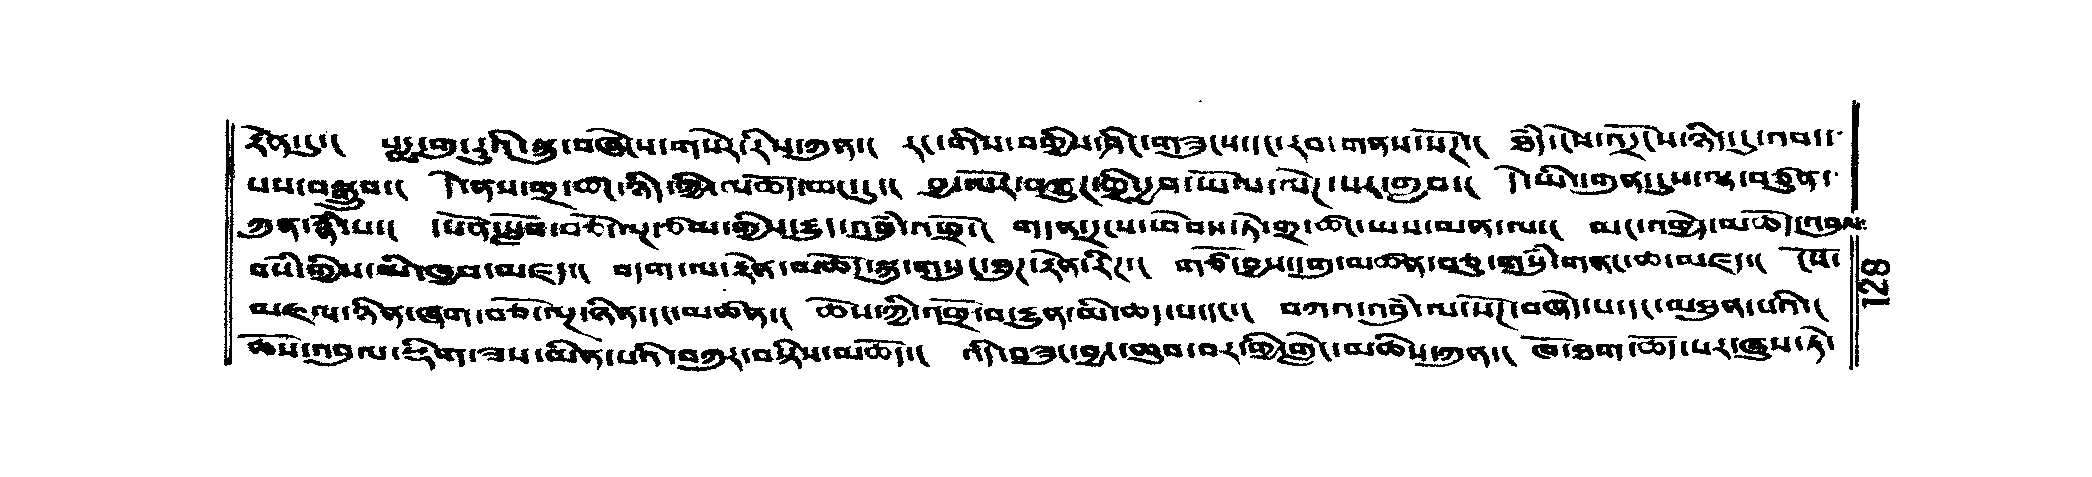རྟེན་དུ། །པདྨ་གུ་རུའི་སྐུ་བཞེངས་གསེར་རིས་ཀུན། །རང་གིས་བགྱིས་ཤིང་གཟུངས་དང་རབ་གནས་སོགས། །ཐམས་ཅད་ངེས་འདྲོངས་ཉིད་དུ་འབད་
པས་བསྒྲུབས། །དེ་ནས་གྲྭ་ཚང་ཉིད་ཀྱི་མཆོད་ཁང་དུ། །བྱ་ལོར་བཞུགས་ཁྲི་རྒྱབ་ཡོལ་ལེགས་པར་གྲུབ། །དེ་ཡི་དགུན་དུས་ལྷ་བཙུན་
ཀུན་རྣམ་པ། །དཔོན་སློབ་བཅོ་ལྔ་ཙམ་གྱིས་རྒྱུད་འབུམ་འཕྲོ། །གདན་དྲངས་ཕེབས་ཏེ་གྲྭ་ཚང་ཡས་མས་ལ། །མང་འགྱེད་མཆོད་འབུལ་
བསམ་གྱིས་མི་ཁྱབ་མཛད། །བདག་ལ་རྟེན་མཆོད་སྐུ་གསུང་ཐུགས་རྟེན་རིགས། །གཙོ་བྱས་དགུ་མཚན་བཅུ་གསུམ་གནང་ཆ་མཛད། །ངོས་
འཇལ་ཉིན་ཞག་བཅོ་ལྔ་ཉིན་དང་མཚན། །ཆོས་ཀྱི་བགྲོ་བ་རྒྱུན་མི་ཆད་པ་དང་། །བཀའ་འབུམ་ལ་སོགས་བཞེད་པ་དང་མཐུན་པའི། །
ཆོས་འབུལ་སྡིག་ཟས་མིན་པའི་བཀུར་བསྟིས་མཆོད། །འདི་བཟུང་བྱང་ཆུབ་བར་གྱི་གླེང་མཆིད་ཀུན། །ཁོ་ཐག་ཆོད་པར་ཞུས་ཏེ་